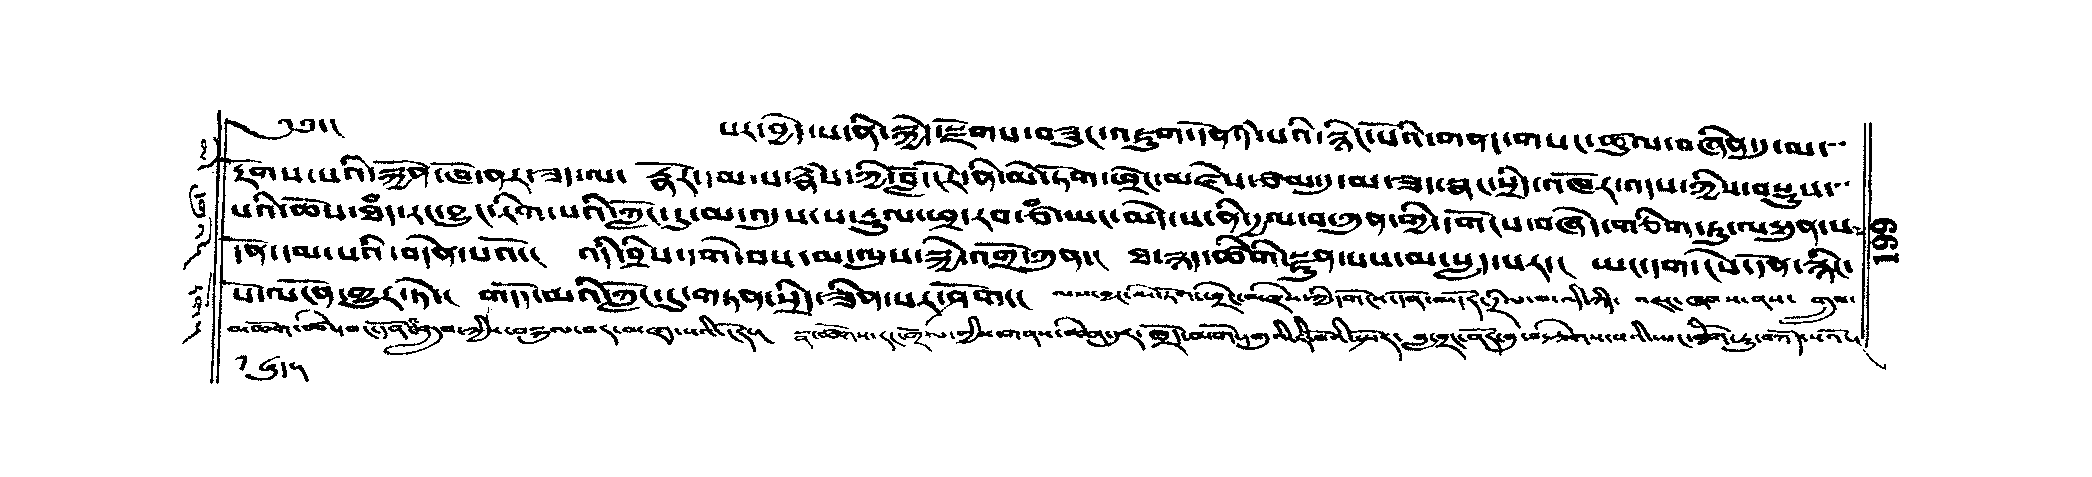པར་བྱེད་པ་ནི་སྐྱེད་རྫོགས་བཟུང་འཇུག་དོན་དམ་པའིསྙིང་པོའི་གནང་གསང་ཚུལ་བཞིན་དུ་མ་
རྟོགས་པའི་སྐྱོན་ཁོ་ནར་ཟད་ལ།རྣལ་འབྱོར་དམ་པ་རྣམས་ཀྱི་བློ་ངོར་ནི་མེ་ཏོག་ཕྲེང་མཛེས་ཙམ་དུ་མ་ཟད་སྣང་སྲིད་འཁོར་འདས་ཀྱིས་བསྡུས་
པའི་ཆོས་ཐམས་ཅད་རང་བྱུང་རིག་པའི་ཀློང་དུ་མ་འདུས་པ་རྡུལ་ཕྲ་རབ་ཙམ་ཡང་མེད་པ་ནི་རྒྱལ་བ་ཀུན་གྱི་དགོངས་བཞེད་གཅིག་ཏུ་མཐུན་པ་
དོན་དམ་པའི་བདེན་པའོ། འདི་བྲིས་དགེ་བས་མ་ལུས་སྐྱེ་འགྲོ་ཀུན། ཐ་སྙད་ཚིག་གི་རྫུན་པས་མ་སླད་པར། ཡང་དག་ངེས་དོན་སྙིང་
པོ་མངོན་གྱུར་ཏེ། གདོད་མའི་ཀློང་དུ་གཏན་སྲིད་ཟིན་པར་ཤོག ལས་བྱང་མེ་ཏོག་ཕྲེང་མཛེས་ཀྱི་དགོངས་དོན་མདོར་དྲིལ་བ་འདི་ཉིད། འཇགས་ཞབས་ནས། གྲུབ་
མཆོག་ཚེ་དབང་དོན་འགྲུབ་ཀྱིས་བསྐུལ་བར་མཛད་པའི་ངོར། སྣ་ཚོགས་རང་གྲོལ་གྱིས་གནས་ཆེན་དུར་ཁྲོད་མགོ་དགུའི་རི་བོའི་སྤོར། བླ་བྲང་ནོར་བུ་བརྩེགས་པའི་ཡང་ཐོག་ཏུ་བཀོད་པའོ།།